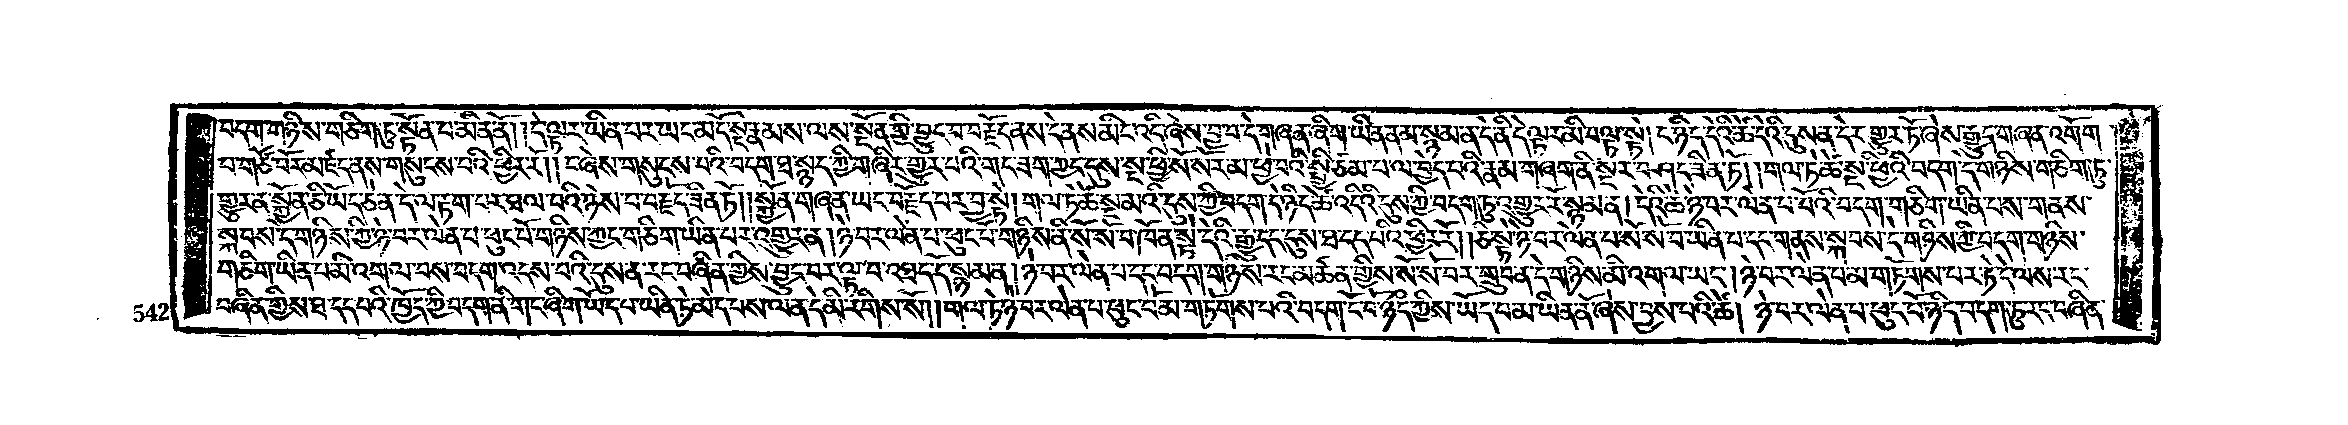བདག་གཉིས་གཅིག་ཏུ་སྟོན་པ་མིན་ནོ། །ད་ལྟར་ཡིན་པར་ཡང་མདོ་སྡེ་རྣམས་ལས་སྔོན་གྱི་བྱུང་བ་བརྗོད་ནས་དེ་ནས་མིང་འདི་ཞེས་བྱ་བ་དེ་གཞན་ཞིག་ཡིན་ནམ་སྙམ་ན་དེ་ནི་དེ་ལྟར་མི་བལྟ་སྟེ། ང་ཉིད་དེའི་དུས་ན་དེར་གྱུར་ཏོ་ཞེས་རྒྱུད་གཞན་འགོག་
པ་གཙོ་བོར་མཛད་ནས་གསུངས་པའི་ཕྱིར་རོ། །ང་ཞེས་གསུངས་པའི་བདག་ཐ་སྙད་ཀྱི་གཞིར་གྱུར་པའི་གང་ཟག་ཀྱང་དུས་སྔ་ཕྱི་སོ་སོར་མ་ཕྱེ་བའི་སྤྱི་ཙམ་པ་ལ་བྱེད་བའི་རྣམ་གཞག་ནི་སྔར་བཤད་ཟིན་ཏོ། །གལ་ཏེ་ཚེ་སྔ་ཕྱིའི་བདག་དེ་གཉིས་གཅིག་ཏུ་
གྱུར་ན་སྐྱོན་ཅི་ཡོད་ཅེ་ན་དེ་ལ་རྟག་པར་ཐལ་བའི་ཉེས་པ་བརྗོད་ཟིན་ཏོ། །སྐྱོན་གཞན་ཡང་བརྗོད་པར་བྱ་སྟེ། གལ་ཏེ་ཚེ་སྔ་མའི་དུས་ཀྱི་བདག་དེ་ཉིད་ཚེ་འདིའི་དུས་ཀྱི་བདག་ཏུ་འགྱུར་རོ་སྙམ་ན། དེའི་ཚེ་ཉེ་བར་ལེན་པ་པོའི་བདག་གཅིག་ཡིན་པས་གནས་
སྐབས་དེ་གཉིས་ཀྱི་ཉེ་བར་ལེན་པ་ཕུང་པོ་གཉིས་ཀྱང་གཅིག་ཡིན་པར་འགྱུར་ན། ཉེ་བར་ལེན་པ་ཕུང་པོ་གཉིས་ནི་སོ་སོ་བ་ཁོ་ན་སྟེ་དེའི་རྒྱུ་དང་དུས་ཐ་དད་པའི་ཕྱིར་རོ། །ཅི་སྟེ་ཉེ་བར་ལེན་པ་སོ་སོ་བ་ཡིན་པ་དང་གནས་སྐབས་དེ་གཉིས་ཀྱི་བདག་གཉིས་
གཅིག་ཡིན་པ་མི་འགལ་བས་བདག་འདས་བའི་དུས་ན་རང་བཞིན་གྱིས་བྱུང་བར་ལྟ་བ་འཐད་དུ་སྙམ་ན། ཉེ་བར་ལེན་པ་དང་བདག་གཉིས་རང་མཚན་གཉིས་སོ་སོ་བར་གྲུབ་ན་དེ་གཉིས་མི་འགལ་ཡང་། ཉེ་བར་ལེན་པ་མ་གཏོགས་པ་ཏེ་དེ་ལས་རང་
བཞིན་གྱིས་ཐ་དད་པའི་ཁྱོད་ཀྱི་བདག་ནི་གང་ཞིག་ཡོད་པ་ཡིན་ཏེ་མེད་པས་ལན་དེ་མི་རིགས་སོ། །གལ་ཏེ་ཉེ་བར་ལེན་པ་ཕུང་པོ་མ་གཏོགས་པའི་བདག་ངོ་བོ་ཉྀད་ཀྱིས་ཡོད་པ་མ་ཡིན་ནོ་ཞེས་བྱས་པའི་ཚེ། ཉེ་བར་ལེན་པ་ཕུང་པོ་ཉིད་བདག་ཏུ་རང་བཞིན་